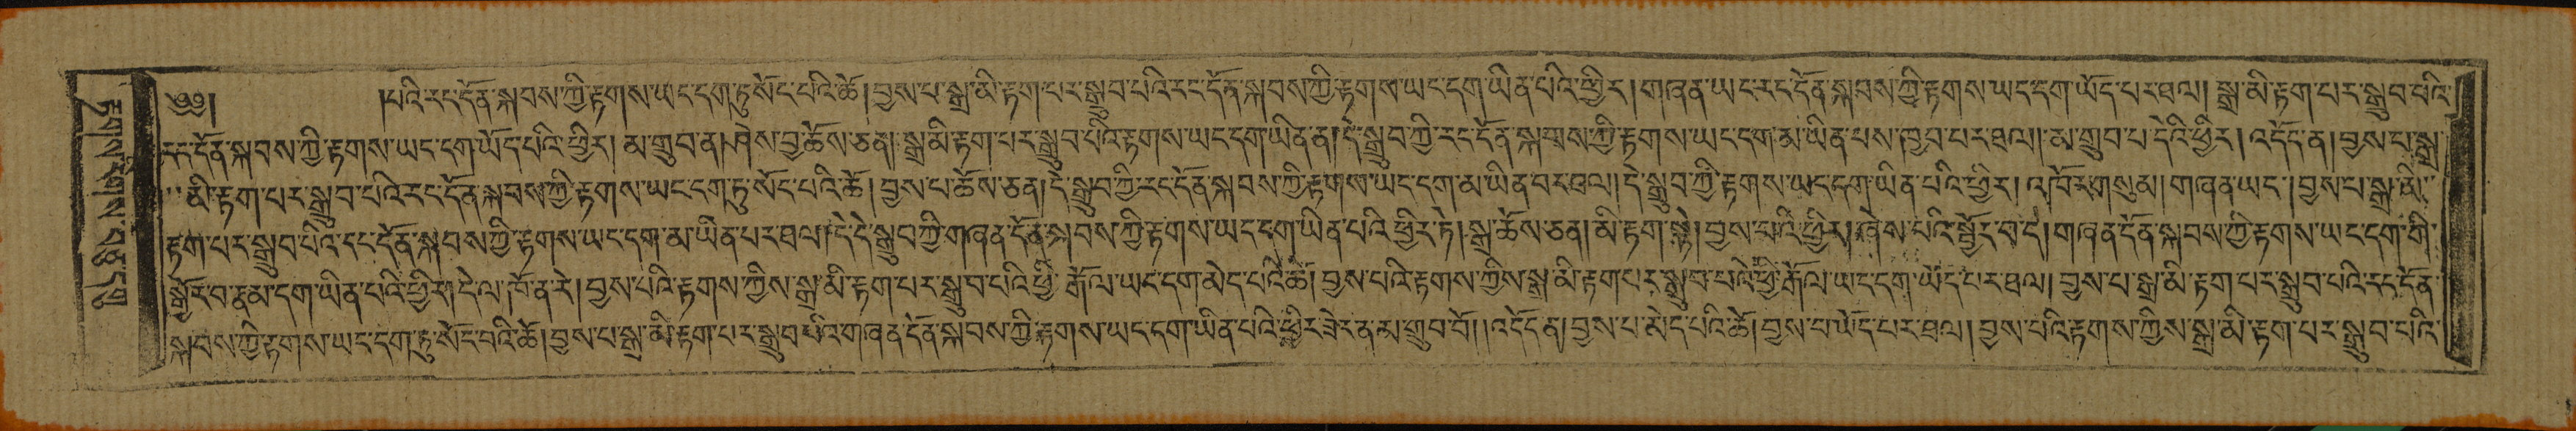༄༅། །པའི་རང་དོན་སྐབས་ཀྱི་རྟགས་ཡང་དག་ཏུ་སོང་པའི་ཚེ། བྱས་པ་སྒྲ་མི་རྟག་པར་སྒྲུབ་པའི་རང་དོན་སྐབས་ཀྱི་རྟགས་ཡང་དག་ཡིན་པའི་ཕྱིར། གཞན་ཡང་རང་དོན་སྐབས་ཀྱི་རྟགས་ཡང་དག་ཡོད་པར་ཐལ། སྒྲ་མི་རྟག་པར་སྒྲུབ་པའི་
རང་དོན་སྐབས་ཀྱི་རྟགས་ཡང་དག་ཡོད་པའི་ཕྱིར། མ་གྲུབ་ན། ཤེས་བྱ་ཆོས་ཅན། སྒྲ་མི་རྟག་པར་སྒྲུབ་པའི་རྟགས་ཡང་དག་ཡིན་ན། དེ་སྒྲུབ་ཀྱི་རང་དོན་སྐབས་ཀྱི་རྟགས་ཡང་དག་མ་ཡིན་པས་ཁྱབ་པར་ཐལ། མ་གྲུབ་པ་དེའི་ཕྱིར། འདོད་ན། བྱས་པ་སྒྲ་
མི་རྟག་པར་སྒྲུབ་པའི་རང་དོན་སྐབས་ཀྱི་རྟགས་ཡང་དག་ཏུ་སོང་བའི་ཚེ། བྱས་པ་ཆོས་ཅན། དེ་སྒྲུབ་ཀྱི་རང་དོན་སྐབས་ཀྱི་རྟགས་ཡང་དག་མ་ཡིན་པར་ཐལ། དེ་སྒྲུབ་ཀྱི་རྟགས་ཡང་དག་ཡིན་པའི་ཕྱིར། འཁོར་གསུམ། གཞན་ཡང་། བྱས་པ་སྒྲ་མི་
རྟག་པར་སྒྲུབ་པའི་རང་དོན་སྐབས་ཀྱི་རྟགས་ཡང་དག་མ་ཡིན་པར་ཐལ། དེ་དེ་སྒྲུབ་ཀྱི་གཞན་དོན་སྐབས་ཀྱི་རྟགས་ཡང་དག་ཡིན་པའི་ཕྱིར་ཏེ། སྒྲ་ཆོས་ཅན། མི་རྟག་སྟེ། བྱས་པའི་ཕྱིར། ཞེས་པའི་སྦྱོར་བ་དེ། གཞན་དོན་སྐབས་ཀྱི་རྟགས་ཡང་དག་གི་
སྦྱོར་བ་རྣམ་དག་ཡིན་པའི་ཕྱིར། དེ་ལ་ཁོ་ན་རེ། བྱས་པའི་རྟགས་ཀྱིས་སྒྲ་མི་རྟག་པར་སྒྲུབ་པའི་ཕྱི་རྒོལ་ཡང་དག་མེད་པའི་ཚེ། བྱས་པའི་རྟགས་ཀྱིས་སྒྲ་མི་རྟག་པར་སྒྲུབ་པའི་ཕྱི་རྒོལ་ཡང་དག་ཡོད་པར་ཐལ། བྱས་པ་སྒྲ་མི་རྟག་པར་སྒྲུབ་པའི་རང་དོན་
སྐབས་ཀྱི་རྟགས་ཡང་དག་ཏུ་སོང་བའི་ཚེ། བྱས་པ་སྒྲ་མི་རྟག་པར་སྒྲུབ་པའི་གཞན་དོན་སྐབས་ཀྱི་རྟགས་ཡང་དག་ཡིན་པའི་ཕྱིར་ཟེར་ན་མ་གྲུབ་བོ། །འདོད་ན། བྱས་པ་མེད་པའི་ཚེ། བྱས་པ་ཡོད་པར་ཐལ། བྱས་པའི་རྟགས་ཀྱིས་སྒྲ་མི་རྟག་པར་སྒྲུབ་པའི་